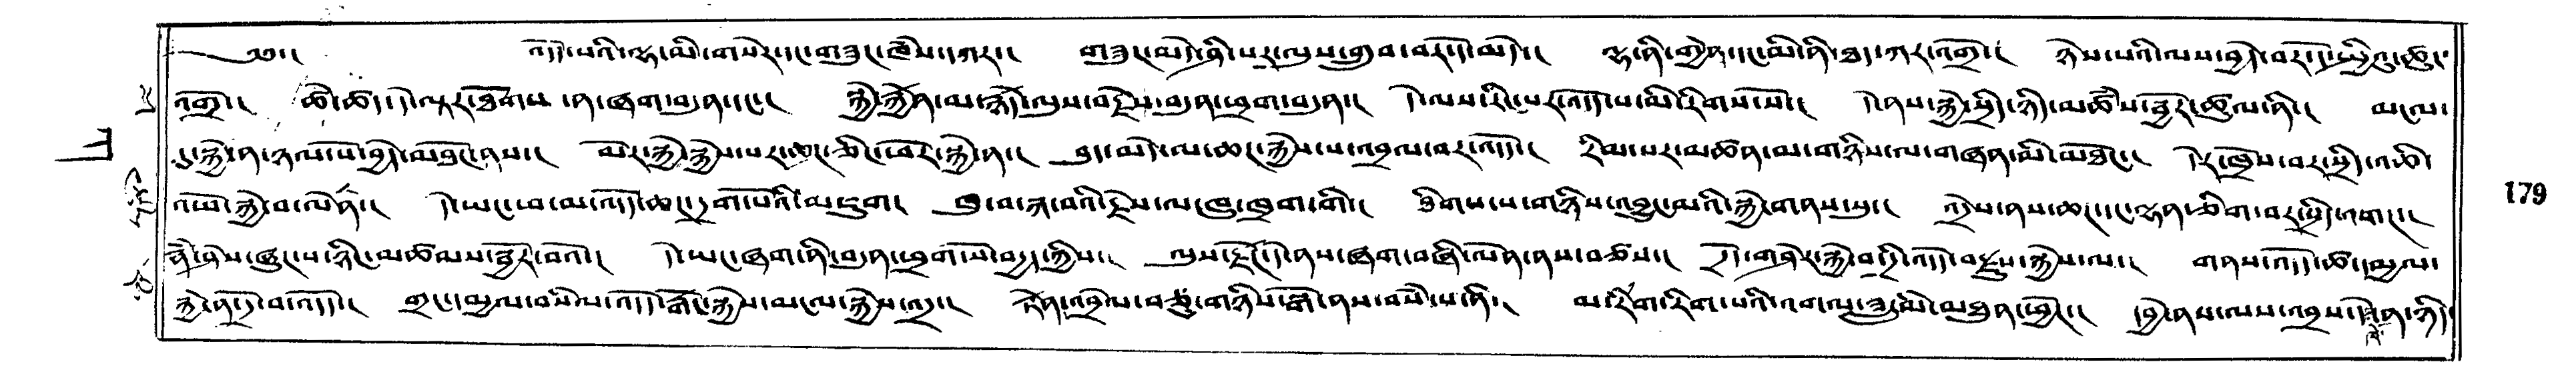འདོད་པའི་ལྷ་མི་གསེར་དང་གཟུགས་ཁམས་དཀར། །གཟུགས་མེད་ཤི་སར་ལུས་གྲུབ་བར་དོ་མེད། །ལྷ་ནི་གྱེན་དང་མི་ནི་ཐད་ཀར་འགྲོ། །ཉེས་པའི་ལས་བྱེད་བར་དོ་སྤྱིའུ་ཚུགས་
འགྲོ། །ཚེ་ཚད་དེ་ལྟར་ཐོགས་ན་ཞག་བདུན་དང་། །སྐྱེ་རྐྱེན་མ་རྙེད་ལུས་བརྗེས་བདུན་ཕྲག་བདུན། །དེ་ལས་རིང་པར་འདོད་པ་མི་རིགས་སོ། །དེ་ནས་སྐྱེ་སྲིད་ཉིད་མཚམས་སྦྱོར་ཚུལ་ནི། །མངལ་
དུ་སྐྱེ་ན་ཉལ་པོ་བྱེད་མཐོང་ནས། །མོར་སྐྱེ་སྐྱེས་པར་ཆགས་ཅིང་ཕོར་སྐྱེ་ན། །བུད་མེད་ལ་ཆགས་སྐྱེས་པ་འབྲལ་བར་འདོད། །རིམ་པར་མཚན་མ་གཉིས་ལ་གཞན་མི་མཐོང་། །དེར་ཁྲོས་བར་སྲིད་འཆི་
འཕོ་སྐྱེ་བ་ལེན། །དེ་ཡང་ཕ་མ་འདོད་ཆགས་དྲག་པོའི་མཇུགཁུ་བ་སྐ་བའི་རྗེས་ལ་ཁུ་ཁྲག་གི །ཐིགས་པ་གཉིས་འབྱུང་མ་ཡི་སྐྱེ་གནས་སུ། །འདྲེས་ནས་ཆགས་དང་ལྷན་ཅིག་བར་སྲིད་འགགས། །
རྣམ་ཤེས་ཞུགས་པ་ཉིང་མཚམས་སྦྱོར་བའོ། །དེ་ཡང་ཞག་ནི་བདུན་ཕྲག་སོ་བརྒྱད་ཀྱིས། །ལུས་རྫོགས་དེ་ནས་ཞག་བཞི་ལོན་ནས་བཙའ། །དྲོད་གཤེར་སྐྱེ་བ་དྲི་འདོད་བརྫུས་སྐྱེས་ལ། །གནས་འདོད་ཚ་དམྱལ་
སྐྱེ་ན་དྲོ་བ་འདོད། །གྲང་དམྱལ་བསིལ་འདོད་རྒོང་སྐྱེས་མངལ་སྐྱེས་འདྲ། །རྟེན་འབྲེལ་བཅུ་གཉིས་སྒོ་ནས་བསམ་པ་ནི། །མ་རིག་རིག་པའི་འགལ་ཟླ་མི་མཐུན་ཕྱོགས། །དབྱེ་ན་ལས་འབྲས་དེ་ཁོ་ན་ཉིད་